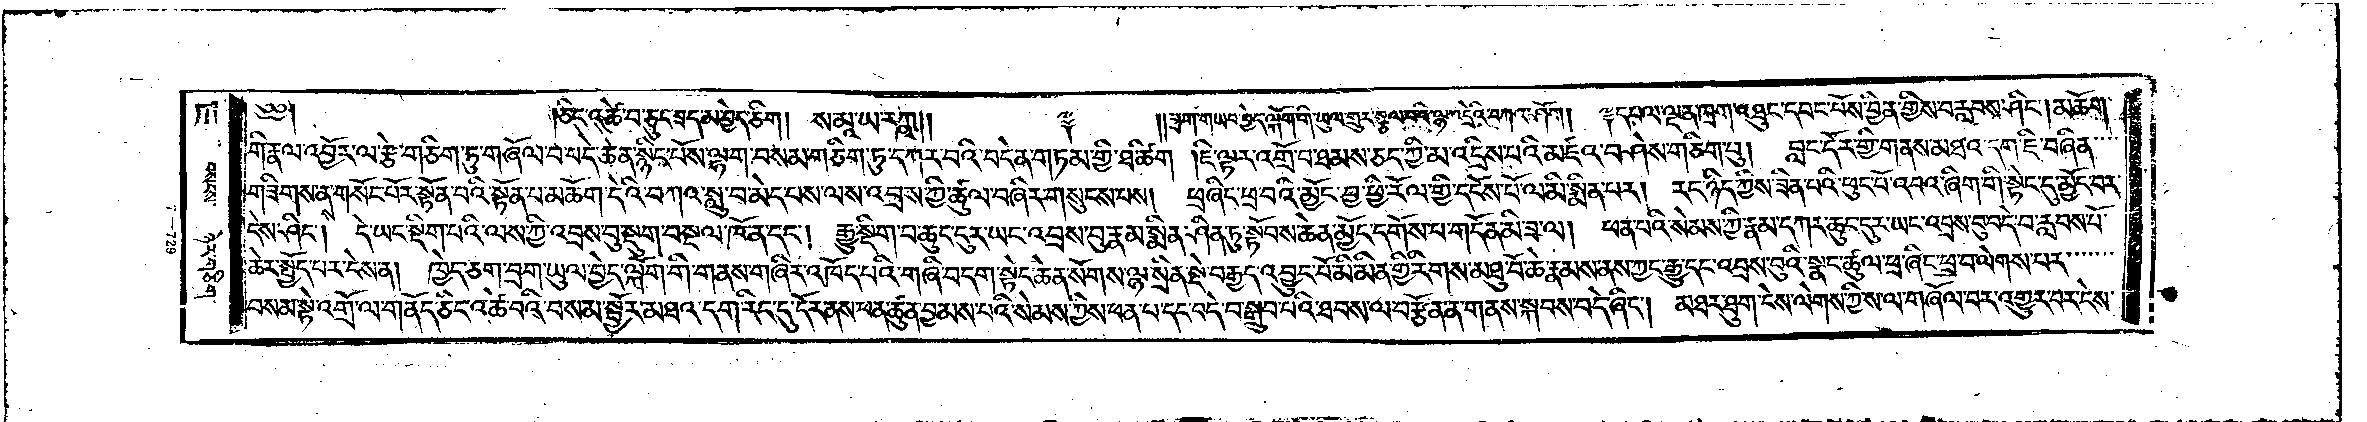༄༅། །ཅིང་འཚེ་བ་ཅུང་ཟད་མ་བྱེད་ཅིག །ས་མཱ་ཡ་རཀྵ།། ༈ །བྲག་གཡབ་བྱེད་ལྐོག་གི་ཡུལ་གྲུར་སྩལ་བའི་ལྷ་འདྲེའི་བཀའ་ཤོག །  ༈ དཔལ་ལྡན་ཁྲག་འཐུང་དབང་པོས་བྱིན་གྱིས་བརླབས་ཤིང་།མཆོག་
གི་རྣལ་འབྱོར་ལ་རྩེ་གཅིག་ཏུ་གཞོལ་བ་བདེ་ཆེན་སྙིང་པོས་ལྷག་བསམ་གཅིག་ཏུ་དཀར་བའི་བདེན་གཏམ་གྱི་ཐ་ཚིག །ཇི་ལྟར་འགྲོ་བ་ཐམས་ཅད་ཀྱི་མ་འདྲིས་པའི་མཇའ་བཤེས་གཅིག་པུ། བླང་དོར་གྱི་གནས་མཐའ་དག་ཇི་བཞིན་
གཟིགས་ནས་གསོང་པོར་སྟོན་པའི་སྟོན་པ་མཆོག་དེའི་བཀའ་སླུ་བ་མེད་པས་ལས་འབྲས་ཀྱི་ཆུལ་བཞིར་གསུངས་པས། ཕྲ་ཞིང་ཕྲ་བའི་མྱོང་བྱ་ཕྱི་རོལ་གྱི་དངོས་པོ་ལ་མི་སྨིན་པར། རང་ཉིད་ཀྱིས་ཟིན་པའི་ཕུང་པོ་འབའ་ཞིག་གི་སྟེང་དུ་མྱོང་བར་
ངེས་ཤིང་། དེ་ཡང་སྡིག་པའི་ལས་ཀྱི་འབྲས་བུ་སྡུག་བསྔལ་ཁོ་ན་དང་། རྒྱུ་སྡིག་པ་ཆུང་དུར་ཡང་འབྲས་བུ་རྣམ་སྨིན་ཤིང་ཏུ་སྟོབས་ཆེན་མྱོང་དགོས་པ་གདོན་མི་ཟ་ལ། ཕན་བའི་སེམས་ཀྱི་རྣམ་དཀར་ཆུང་བུར་ཡང་འབྲས་བུ་བདེ་བ་རླབས་པོ་
ཆེར་སྤྱོད་པར་ངེས་ན། ཁྱེད་ཅག་བྲག་ཡུལ་བྱེད་ལྐོག་གི་གནས་གཞིར་འཁོད་པའི་གཞི་བདག་སྟེང་ཆེན་སོགས་ལྷ་སྲིན་སྡེ་བརྒྱད་འབྱུང་པོ་མི་མིན་གྱི་རིགས་མཐུ་བོ་ཆེ་རྣམས་ནས་ཀྱང་རྒྱུ་དང་འབྲས་བུའི་སྣང་ཚུལ་ཕྲ་ཞིང་ཕྲ་བ་ལེགས་བར་
བསམ་སྟེ་འགྲོ་ལ་གནོད་ཅིང་འཚེ་བའི་བསམ་སྦྱོར་མཐའ་དག་རིང་དུ་དོར་ནས་ཕན་ཚུན་བྱམས་པའི་སེམས་ཀྱིས་ཕན་པ་དང་བདེ་བ་བསྒྲུབ་པའི་ཐབས་ལ་བརྩོན་ན་གནས་སྐབས་བདེ་ཞིང་། མཐར་ཐུག་ངེས་ལེགས་ཀྱིས་ལ་གཞོལ་བར་འགྱུར་བར་ངེས་